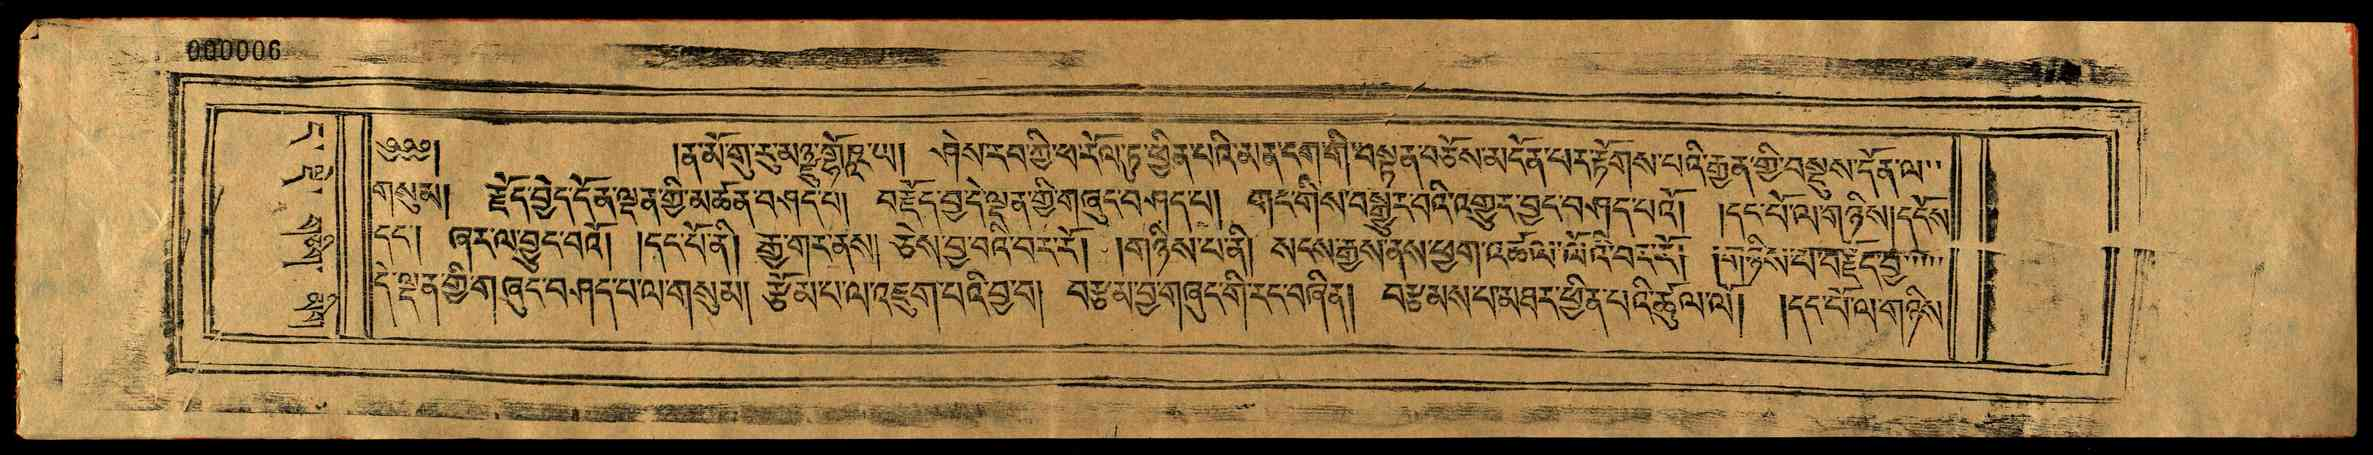༄༅། །ན་མོ་གུ་རུ་མཉྫུ་གྷོ་ཥཱ་ཡ། ཤེས་རབ་ཀྱི་ཕ་རོལ་ཏུ་ཕྱིན་པའི་མན་ངག་གི་བསྟན་བཅོས་མངོན་པར་རྟོགས་པའི་རྒྱན་གྱི་བསྡུས་དོན་ལ་
གསུམ། རྗོད་བྱེད་དོ་ལྡན་གྱི་མཚན་བཤད་པ། བརྗོད་བྱ་དེ་ལྡན་གྱི་གཞུང་བཤད་པ། གང་གིས་བསྒྱུར་བའི་འགྱུར་བྱང་བཤད་པའོ། །དང་པོ་ལ་གཉིས། དངོས་
དང་། ཞར་ལ་བྱུང་བའོ། །དང་པོ་ནི། རྒྱ་གར་ནས། ཅེས་བྱ་བའི་བར་རོ། །གཉིས་པ་ནི། སངས་རྒྱས་ནས་ཕྱག་འཚལ་ལོའི་བར་རོ། །གཉིས་པ་བརྗོད་བྱ་
དེ་ལྡན་གྱི་གཞུང་བཤད་པ་ལ་གསུམ། རྩོམ་པ་ལ་འཇུག་པའི་བྱ་བ། བརྩམ་བྱ་གཞུང་གི་རང་བཞིན། བརྩམས་པ་མཐར་ཕྱིན་པའི་ཚུལ་ལོ། །དང་པོ་ལ་གཉིས་